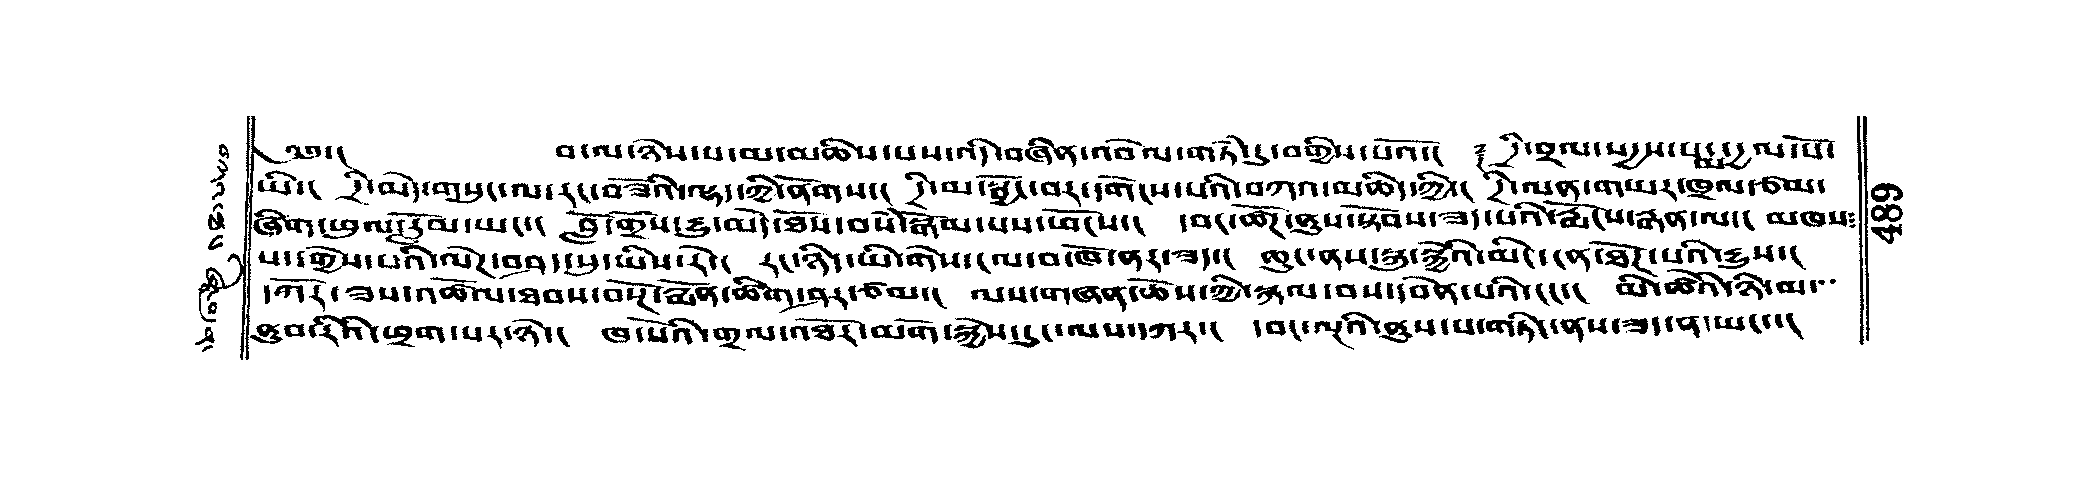བ་ལ་ཉེས་པ་མ་མཆིས་པས་འདི་བཞིན་འབེལ་གཏམ་དུ་བགྱིས་པའོ།། དྲི་བྲལ་སངས་རྒྱས་པདྨ་རྒྱལ་པོ་
ཡི། །དྲི་མེད་གསུང་ལ་རང་བཟོའི་ལྷད་ཀྱི་ནོགས། །དྲི་མ་སྦྱོང་བར་དགོངས་པའི་བཀའ་མཆིད་ཀྱི། །དྲི་ལན་གཡར་ཁྲལ་ཙམ་
ཞིག་ཕུལ་རློམ་ཡང་། །བློ་གྲོས་རྒྱུ་མེད་ཐོས་བསམ་སྒོམ་པས་ཕོངས། །དབང་ཚོགས་ནུས་སྟོབས་ཟད་པའི་རྨོངས་རྒན་ལ། །མཁས་
པ་དགྱེས་པའི་ལེགས་བཤད་སུ་ཡིས་རེ། །རང་ཉིད་ཡི་གེས་ངལ་བ་ཁོ་ནར་ཟད། །ཆུང་ནས་སྐུ་སྐྱེའི་མིང་ངན་ཐོགས་པའི་རྒྱུས། །
དཀོར་ཟས་འཚོལ་ཐབས་བསྔོ་སྨོན་ཚིག་ཤར་ཙམ། །ལས་གཞན་ཆོས་ཀྱི་སྐལ་བས་དབེན་པའི་ངང་། །མི་ཚེའི་ཉི་མ་
ནུབ་རིའི་ཕྲག་པར་ཉེ། །ཁ་སོའི་གྲལ་འཐོར་མགོ་སྐྱེས་དུང་ལས་དཀར། །དབང་ལྔའི་ནུས་པ་གཏིང་ནས་ཟད་ན་ཡང་།